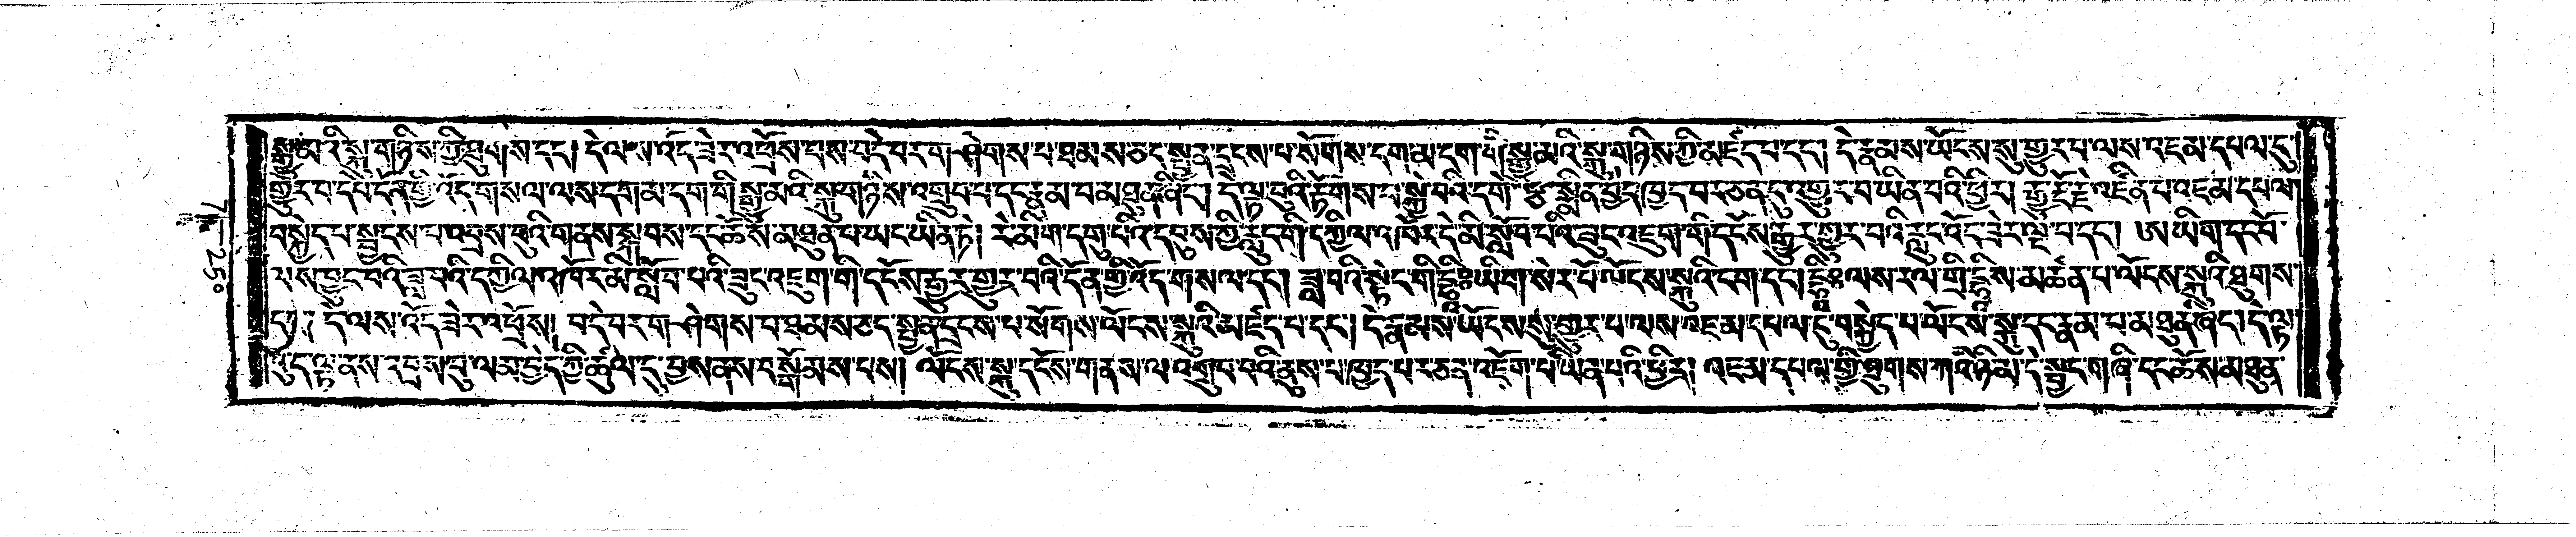སྒྱུ་མའི་སྐུ་གཉིས་ཀྱི་ཐུགས་དང་། དེ་ལས་འོད་ཟེར་འཕྲོས་པས་བདེ་བར་གཤེགས་པ་ཐམས་ཅད་སྤྱན་དྲངས་པ་སོགས་དག་མ་དག་གི་སྒྱུ་མའི་སྐུ་གཉིས་ཀྱི་མཛད་པ་དང་། དེ་རྣམས་ཡོངས་སུ་གྱུར་བ་ལས་འཇམ་དཔལ་དུ་
གྱུར་པ་དཔེ་དོན་གྱི་འོད་གསལ་ལས་དག་མ་དག་གི་སྒྱུ་མའི་སྐུ་གཉིས་འགྲུབ་པ་དང་རྣམ་པ་མཐུན་ཞིང་། དེ་ལྟ་བུའི་རྟོགས་པ་སྐྱེ་བའི་དགེ་རྩ་སྨིན་བྱེད་ཁྱད་པར་ཅན་དུ་འགྱུར་བ་ཡིན་པའི་ཕྱིར། རྒྱུ་རྡོ་རྗེ་འཛིན་པ་འཇམ་དཔལ་
བསྐྱེད་པ་སྦྱངས་པ་འབྲས་བུའི་གནས་སྐབས་དང་ཆོས་མཐུན་པ་ཡང་ཡིན་ཏེ། རེ་མིག་དགུ་པའི་དབུས་ཀྱི་རླུང་གི་དཀྱིལ་འཁོར་དེ་མི་སློབ་པའི་ཟུང་འཇུག་གི་དངོས་རྒྱུར་གྱུར་པའི་རླུང་འོད་ཟེར་ལྔ་པ་དང་། ཨ་ཡིག་དང་པོ་
ལས་བྱུང་བའི་ཟླ་བའི་དཀྱིལ་འཁོར་མི་སློབ་པའི་ཟུང་འཇུག་གི་དངོས་རྒྱུར་གྱུར་པའི་དོན་གྱི་འོད་གསལ་དང་། ཟླ་བའི་སྟེང་གི་དྷཱིཿ ཡིག་སེར་པོ་ལོངས་སྐུའི་ངག་དང་། དྷཱིཿ ལས་རལ་གྲི་དྷཱིས་མཚན་པ་ལོངས་སྐུའི་ཐུགས་
དང་། དེ་ལས་འོད་ཟེར་འཕྲོས། བདེ་བར་གཤེགས་པ་ཐམས་ཅད་སྤྱན་དྲངས་པ་སོགས་ལོངས་སྐུའི་མཛད་པ་དང་། དེ་རྣམས་ཡོངས་སུ་གྱུར་བ་ལས་འཇམ་དཔལ་དུ་བསྐྱེད་པ་ལོངས་སྐུ་དང་རྣམ་པ་མཐུན་ཞིང་། དེ་ལྟ་
བུ་ད་ལྟ་ནས་འབྲས་བུ་ལམ་བྱེད་ཀྱི་ཚུལ་དུ་བྱས་ནས་བསྒོམས་པས། ལོངས་སྐུ་དངོས་གནས་ལ་འགྲུབ་པའི་ནུས་པ་ཁྱད་པར་ཅན་འཇོག་པ་ཡིན་པའི་ཕྱིར། འཇམ་དཔལ་གྱི་ཐུགས་ཀའི་ཉི་མ་དེ་སྦྱང་གཞི་དང་ཆོས་མཐུན་